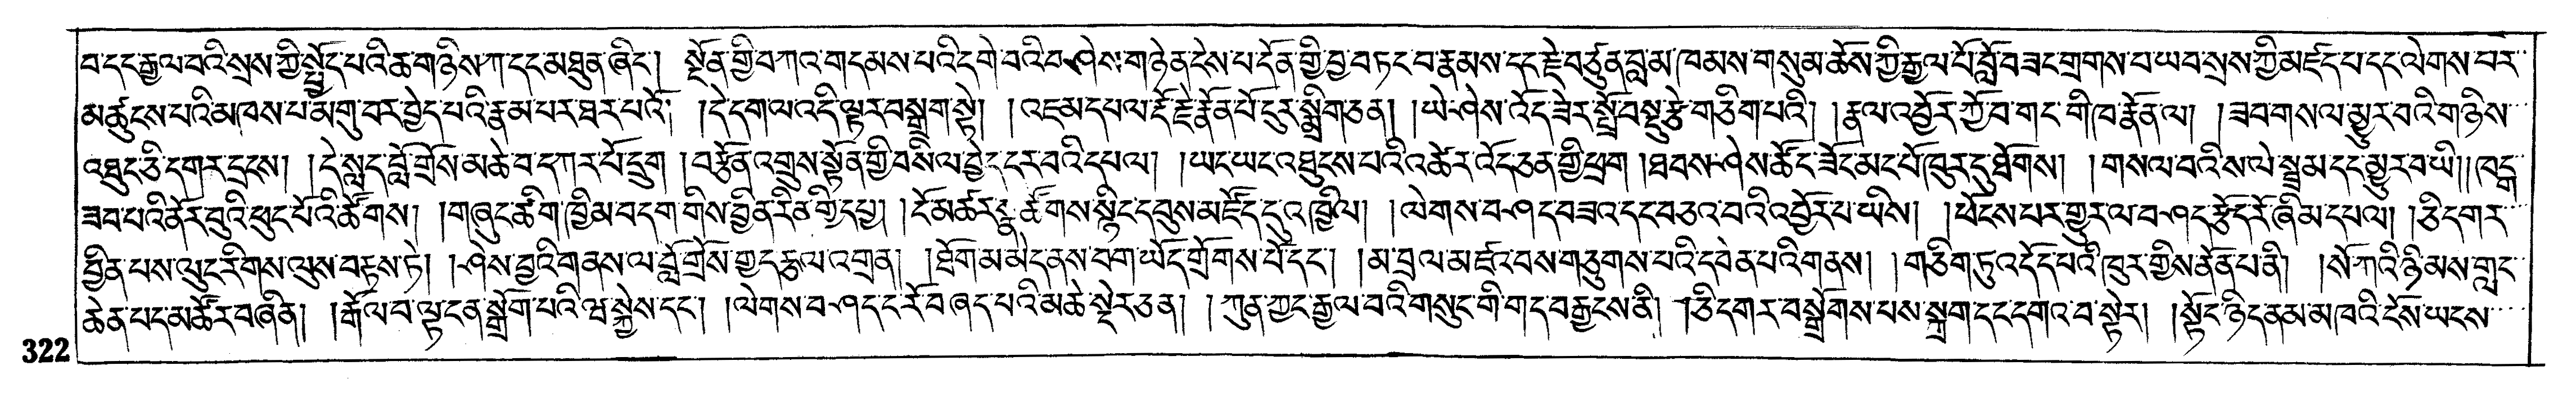བ་ངང་རྒྱལ་བའི་སྲས་ཀྱི་སྤྱོད་པའི་ཆ་གཉིས་ཀ་དང་མཐུན་ཞིང་། སྔོན་གྱི་བཀའ་གདམས་པའི་དགེ་བའི་བཤེས་གཉེན་ངེས་པ་དོན་གྱི་བྱ་བཏང་བ་རྣམས་དང་རྗེ་བཙུན་བླ་མ་ཁམས་གསུམ་ཆོས་ཀྱི་རྒྱལ་པོ་བློ་བཟང་གྲགས་པ་ཡབ་སྲས་ཀྱི་མཛད་པ་དང་ལེགས་པར་
མཚུངས་པའི་མཁས་པ་མགུ་བར་བྱེད་པའི་རྣམ་པར་ཐར་པའོ། །དེ་དག་ལ་འདི་ལྟར་བསྒྲག་སྟེ། །འཇམ་དཔལ་རྡོ་རྗེ་རྣོན་པོ་དུར་སྨྲིག་ཅན། །ཡེ་ཤེས་འོད་ཟེར་སྤྲོ་བསྡུ་རྩེ་གཅིག་པའི། །རྣལ་འབྱོར་ཀྱོ་བ་གང་གི་ཁ་རྣོན་ལ། །ཟབ་གསལ་མྱུར་བའི་གཉིས་
འཐུང་ཅི་དགར་དྲངས། དེ་སླད་བློ་གྲོས་མཆེ་བ་དཀར་པོ་དྲུག །བརྩོན་འགྲུས་སྟོན་གྱི་བསིལ་བྱེད་དར་བའི་དཔལ། །ཡང་ཡང་འཐུངས་པའི་འཚེར་འོད་ཅན་གྱི་ཕྲག །ཐབས་ཤེས་ཚོང་ཟོང་མང་པོ་ཁུར་དུ་ཐོགས། །གསལ་བའི་ས་ལེ་སྦྲམ་དང་མྱུར་བ་ཡི། །ཁངྒ་
ཟབ་པའི་ནོར་བུའི་ཕུང་པོའི་ཚོགས། །གཞུང་ཚིག་ཁྱིམ་བདག་གིས་བྱིན་རིན་གྱི་དབྱ། །ངོ་མཚར་སྣ་ཚོགས་སྙིང་དབུས་མཛོད་དུ་འཁྱིལ། །ལེགས་བཤད་བཟའ་དང་བཅའ་བའི་འབྱོར་པ་ཡིས། །ཕོངས་པར་གྱུར་ལ་བཤད་རྩོད་རོ་ཞིམ་དཔལ། །ཅི་དགར་
བྱིན་པས་ལུང་རིགས་ལུས་བརྟས་ཏེ། །ཤེས་བྱའི་གནས་ལ་བློ་གྲོས་གྱད་རྩལ་འགྲན། །ཐོག་མ་མེད་ནས་བག་ཡོད་གྲོགས་པོ་དང་། །མ་བྲལ་མཛའ་བས་གཅུགས་པའི་དབེན་པའི་གནས། །གཅིག་ཏུ་འདོད་པའི་ཁུར་གྱིས་ནོན་པ་ནི། །སོ་ཀའི་ཉི་མས་གླང་
ཆེན་པད་མཚོར་བཞིན། །རྒོལ་བ་ལྟ་ངན་སྒྲོག་པའི་ཝ་སྐྱེས་དང་། །ལེགས་བཤད་ང་རོ་བཞད་པའི་མཆེ་སྡེར་ཅན། །ཀུན་ཀྱང་རྒྱལ་བའི་གསུང་གི་གད་བརྒྱངས་ནི། །ཅི་དགར་བསྒྲགས་པས་སྐྲག་དང་དགའ་བ་སྟེར། །སྟོང་ཉིད་ནམ་མཁའི་ངོས་ཡངས་